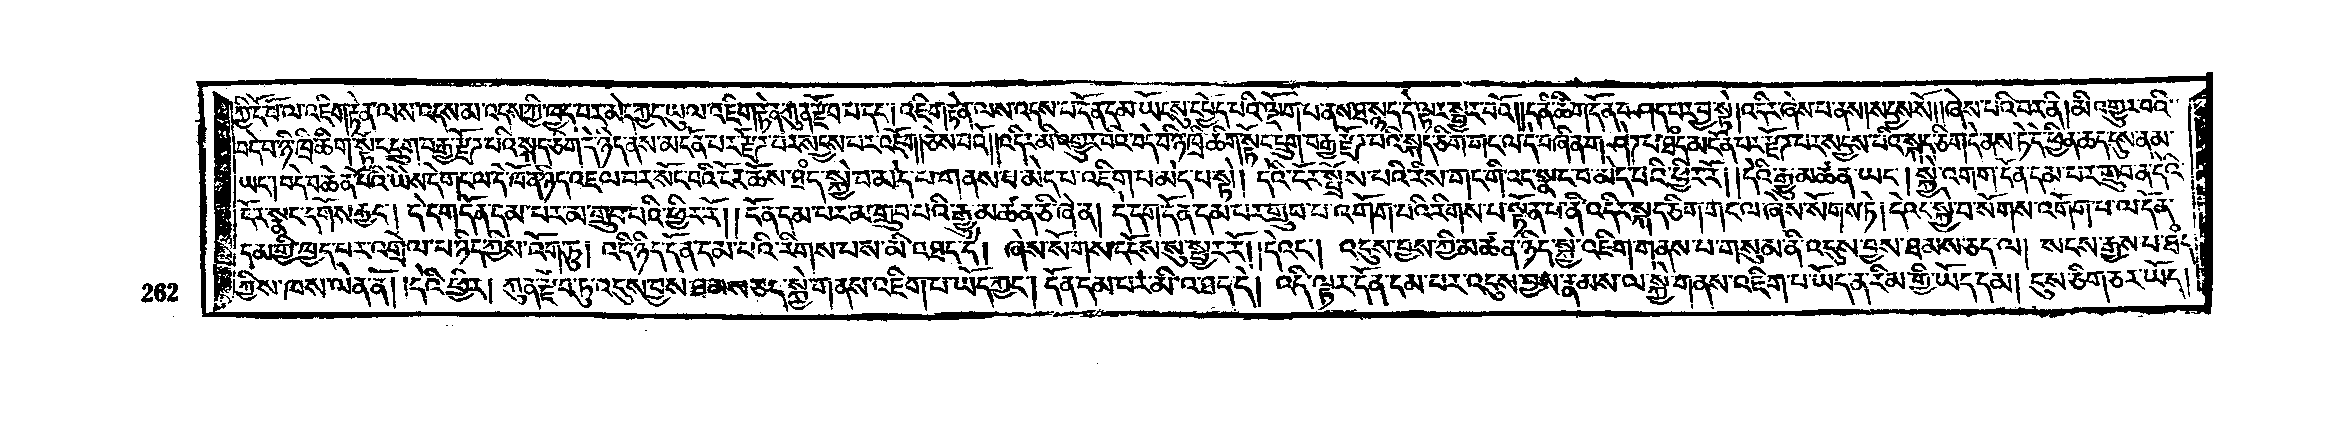ཀྱི་ངོ་བོ་ལ་འཇིག་རྟེན་ལས་འདས་མ་འདས་ཀྱི་ཁྱད་པར་མེད་ཀྱང་ཡུལ་འཇིག་རྟེན་ཀུན་རྫོབ་པ་དང་། འཇིག་རྟེན་ལས་འདས་པ་དོན་དམ་ཡོངས་སུ་དཔྱོད་པའི་ལྡོག་པ་ནས་ཐ་སྙད་དེ་ལྟར་སྦྱར་བའོ། །དེ་ནི་ཚིག་དོན་བཤད་པར་བྱ་སྟེ། འདིར་ཞེས་པ་ནས། སངས་རྒྱས་སོ། །ཞེས་པའི་བར་ནི། མི་འགྱུར་བའི་
བདེ་བ་ཉི་ཁྲི་ཆིག་སྟོང་དྲུག་བརྒྱ་རྫོགས་པའི་སྐད་ཅིག་དེ་ཉིད་ནས་མངོན་པར་རྫོགས་པར་སངས་རྒྱས་པར་འཇོག །ཅེས་པའོ། །འདིར་མི་འགྱུར་བའི་
བདེ་བ་ཉི་ཁྲི་ཆིག་སྟོང་དྲུག་བརྒྱ་རྫོགས་པའི་སྐད་ཅིག་གང་ལ་དེ་བཞིན་གཤེགས་པ་ཐམས་ཅད་མངོན་པར་རྫོགས་པར་སངས་རྒྱས་པའི་སྐད་ཅིག་དེ་ནས་ཏེ་དེ་ཕྱིན་ཆད་དུས་ནམ་
ཡང་། བདེ་བ་ཆེན་པོའི་ཡས་དེ་གང་ལ་དེ་ཁོ་ན་ཉིད་འཇལ་བར་སོང་བའི་ངོར་ཆོས་ཐམས་ཅད་སྐྱེ་བ་མེད་པ་གནས་པ་མེད་པ་འཇིག་པ་མེད་པ་སྟེ། དེའི་ངོར་སྤྲོས་པའི་རིས་གང་གི་འང་སྣང་བ་མེད་པའི་ཕྱིར་རོ། །དེའི་རྒྱུ་མཚན་ཡང་། སྐྱེ་འགག་དོན་དམ་པར་གྲུབ་ན་དེའི་
ངོར་སྣང་དགོས་རྐྱང་། དེ་དག་དོན་དམ་པར་མ་གྲུབ་པའི་ཕྱིར་རོ། །དོན་དམ་པར་མ་གྲུབ་པའི་རྒྱུ་མཚན་ཅི་ཞེ་ན། དེ་དག་དོན་དམ་པར་གྲུབ་པ་འགོག་པའི་རིགས་པ་སྟོན་པ་ནི་འདིར་སྐད་ཅིག་གང་ལ་ཞེས་སོགས་ཏེ། དེའང་སྐྱེ་བ་སོགས་འགོག་པ་ལ་དོན་
དམ་གྱི་ཁྱད་པར་འགྲེལ་པ་ཉིད་ཀྱིས་འོག་ཏུ། འདི་ཉིད་དོན་དམ་པའི་རིགས་པས་མི་འཐད་དེ། ཞེས་སོགས་དངོས་སུ་སྦྱར་རོ། །དེའང་། འདུས་བྱས་ཀྱི་མཚན་ཉིད་སྐྱེ་འཇིག་གནས་པ་གསུམ་ནི་འདུས་བྱས་ཐམས་ཅད་ལ། སངས་རྒྱས་པ་ཐམས་ཅད་
ཀྱིས་ཁས་ལེན་ནོ། །དེའི་ཕྱིར། ཀུན་རྫོབ་ཏུ་འདུས་བྱས་ཐམས་ཅད་སྐྱེ་གནས་འཇིག་པ་ཡོད་ཀྱང་། དོན་དམ་པར་མི་འཐད་དེ། འདི་ལྟར་དོན་དམ་པར་འདུས་བྱས་རྣམས་ལ་སྐྱེ་གནས་འཇིག་པ་ཡོད་ན་རིམ་གྱི་ཡོད་དམ། དུས་ཅིག་ཅར་ཡོད།